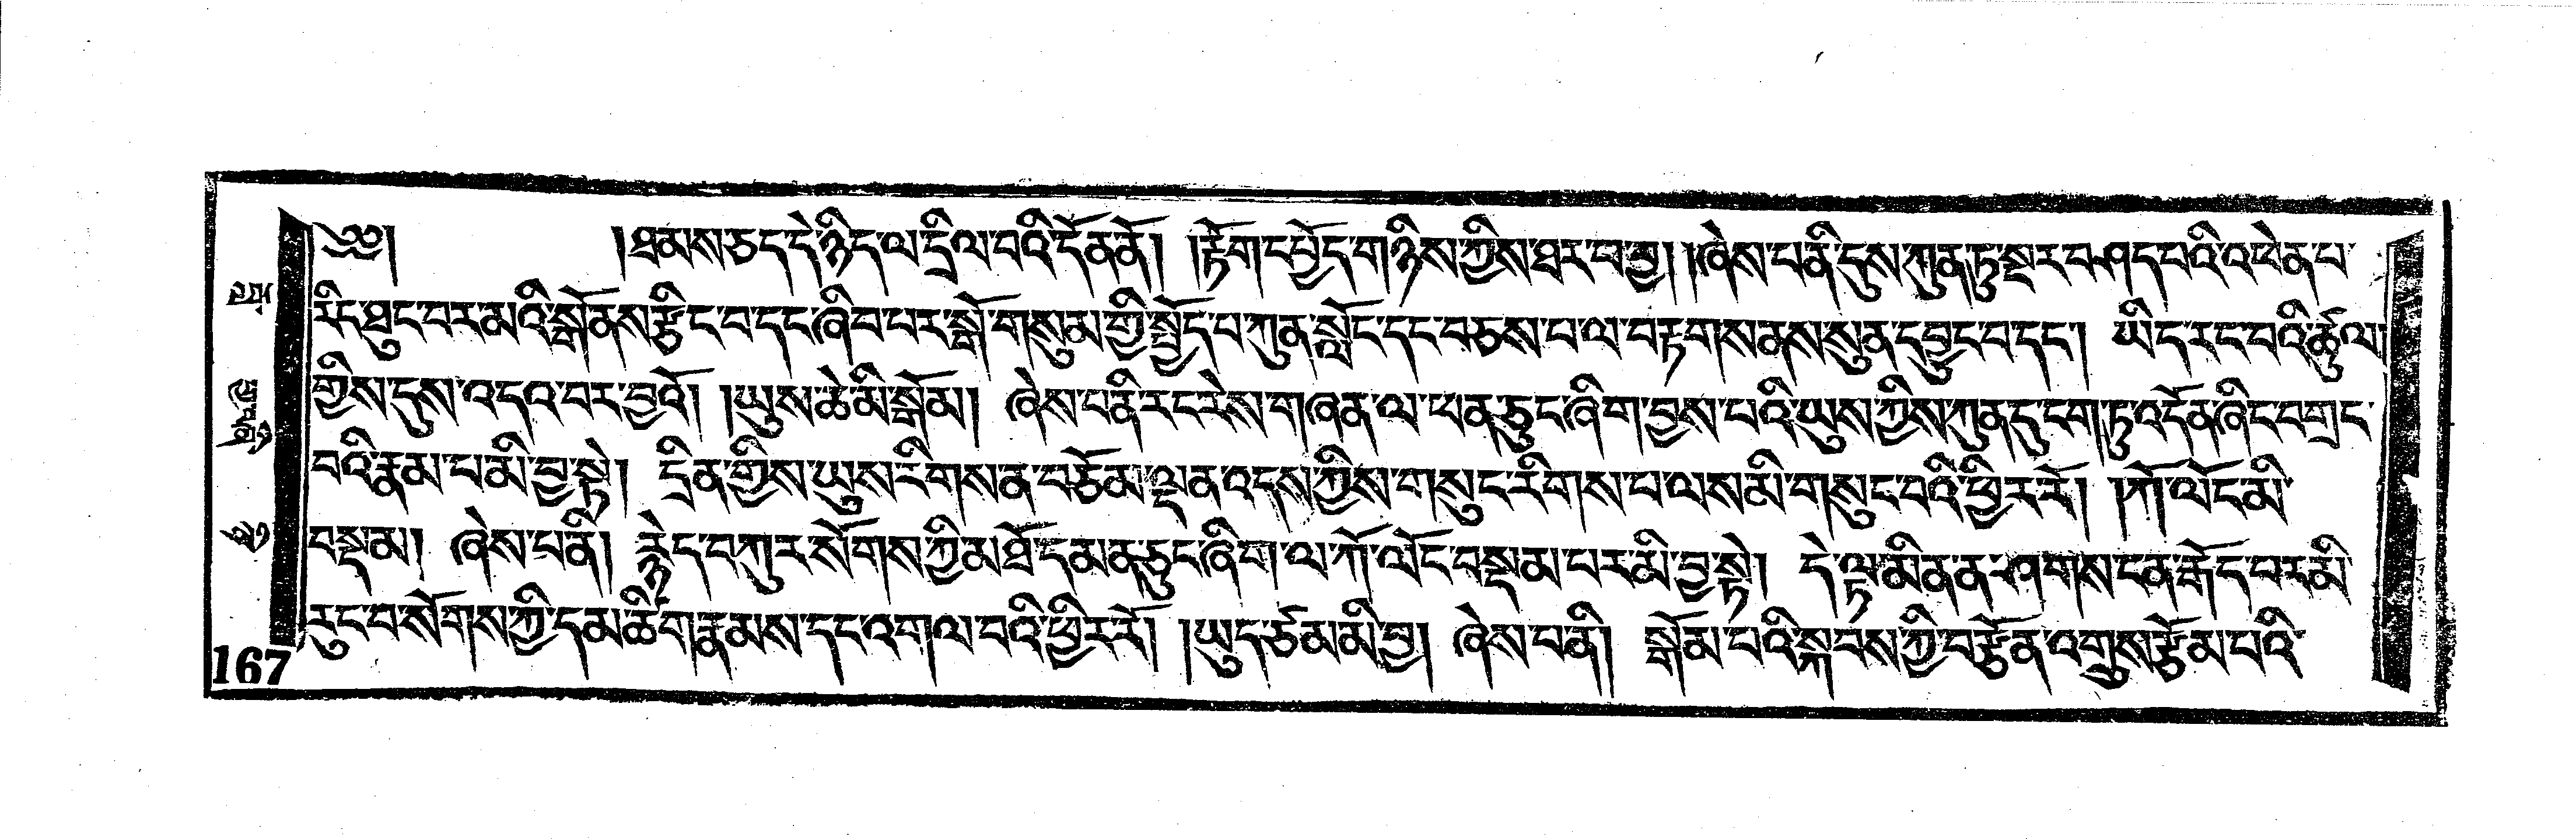༄༅། །ཐམས་ཅད་དེ་ཉིད་ལ་དྲིལ་བའི་དོན་ནོ། །རྟོག་དཔྱོད་གཉིས་ཀྱིས་ཐར་བ་བྱ། །ཞེས་པ་ནི་དུས་ཀུན་ཏུ་སྔར་བཤད་པའི་འཕེན་པ་
རིང་ཐུང་བར་མའི་སྒོ་ནས་རྩིང་བ་དང་ཞིབ་པར་སྒོ་གསུམ་གྱི་སྤྱོད་པ་ཀུན་སློང་དང་བཅས་པ་ལ་བརྟགས་ནས་སུན་དབྱུང་བ་དང་། ཡིད་རང་བའི་ཚུལ་
གྱིས་དུས་འདའ་བར་བྱའོ། །ཡུས་ཆེ་མི་སྒོམ། ཞེས་པ་ནི་རང་རེས་གཞན་ལ་ཕན་ཅུང་ཞིག་བྱས་པའི་ཡུས་ཀྱིས་ཀུན་དུ་ངག་ཏུ་འདོན་ཞིང་བགྲང་
བའི་རྣམ་པ་མི་བྱ་སྟེ། དྲིན་གྱིས་ཡུས་རིགས་ན་བཅོམ་ལྡན་འདས་ཀྱིས་གསུང་རིགས་པ་ལས་མི་གསུང་བའི་ཕྱིར་རོ། །ཀོ་ལོང་མི་
བསྡམ། ཞེས་པ་ནི། རྙེད་བཀུར་སོགས་ཀྱི་མཐོ་དམན་ཅུང་ཞིག་ལ་ཀོ་ལོང་བསྡམ་པར་མི་བྱ་སྟེ། དེ་ལྟ་མིན་ན་ཤགས་ངན་རྒོད་པར་མི་
རུང་བ་སོགས་ཀྱི་དམ་ཚིག་རྣམས་དང་འགལ་བའི་ཕྱིར་རོ། །ཡུད་ཙམ་མི་བྱ། ཞེས་པ་ནི། སྒོམ་པའི་སྐབས་ཀྱི་བརྩོན་འགྲུས་རྩོམ་པའི་